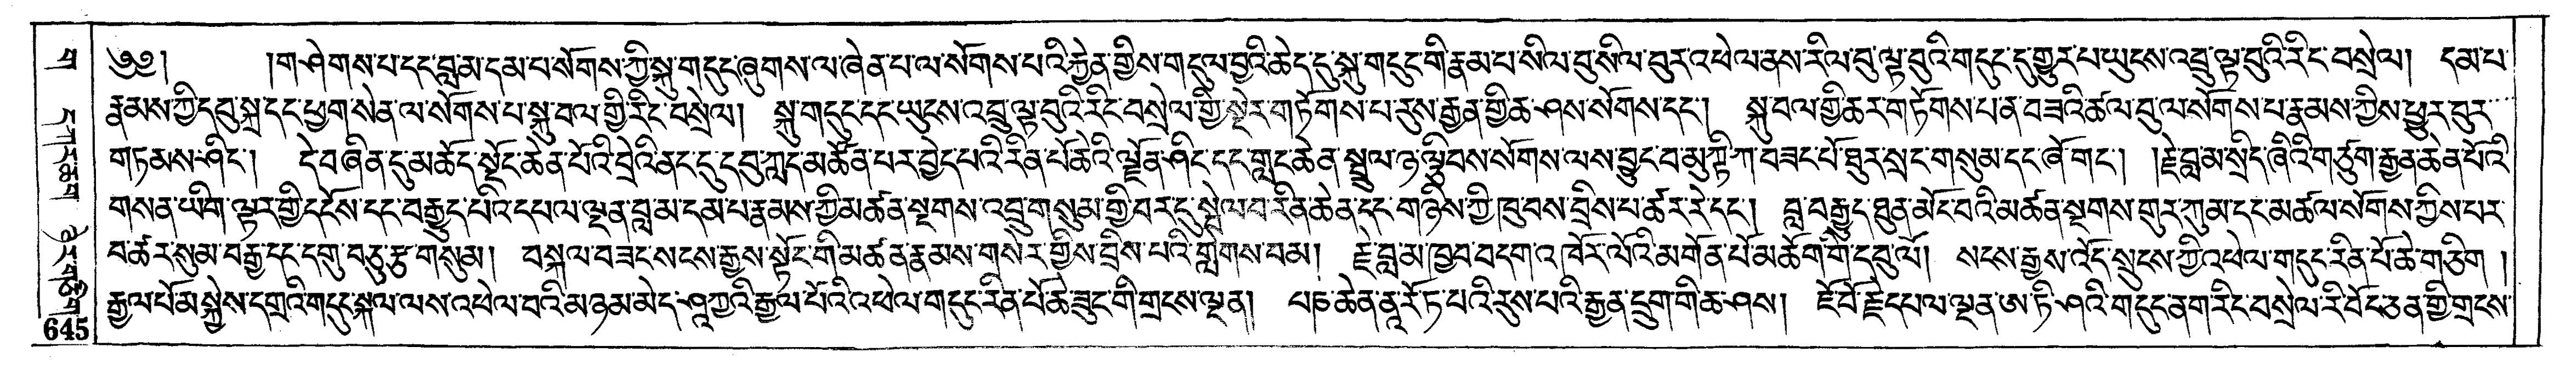༄༅། །གཤེགས་པ་དང་བླ་མ་དམ་པ་སོགས་ཀྱི་སྐུ་གདུང་ཞུགས་ལ་ཞེན་པ་ལ་སོགས་པའི་རྐྱེན་གྱིས་གདུལ་བྱའི་ཆེད་དུ་སྐུ་གདུང་གི་རྣམ་པ་སིལ་བུ་སིལ་བུར་འཕེལ་ནས་རིལ་བུ་ལྟ་བུའི་གདུང་དུ་གྱུར་པ་ཡུངས་འབྲུ་ལྟ་བུའི་རིང་བསྲེལ། དམ་པ་
རྣམས་ཀྱི་དབུ་སྐྲ་དང་ཕྱག་སེན་ལ་སོགས་པ་སྐུ་བལ་གྱི་རིང་བསྲེལ། སྐུ་གདུང་དང་ཡུངས་འབྲུ་ལྟ་བུའི་རིང་བསྲེལ་གྱི་སྡེར་གཏོགས་པ་རུས་རྒྱན་གྱི་ཆ་ཤས་སོགས་དང་། སྐུ་བལ་གྱི་ཆར་གཏོགས་པ་ན་བཟའི་ཚལ་བུ་ལ་སོགས་པ་རྣམས་ཀྱིས་ཕྱུར་བུར་
གཏམས་ཤིང་། དེ་བཞིན་དུ་མཆོད་སྡོང་ཆེན་པོའི་བྲེའི་ནང་དུ་དབུ་ཀླད་མཚོན་པར་བྱེད་པའི་རིན་པོ་ཆེའི་ལྗོན་ཤིང་དང་གླང་ཆེན་སྤྲུལ་ཉ་ལྕིབས་སོགས་ལས་བྱུང་བ་མུཀྟི་ཀ་བཟང་པོ་ཐུར་སྲང་གསུམ་དང་ཞོ་གང་། རྗེ་བླ་མ་སྲིད་ཞིའི་གཙུག་རྒྱན་ཆེན་པོའི་
གསན་ཡིག་ལྟར་གྱི་དངོས་དང་བརྒྱུད་པའི་དཔལ་ལྡན་བླ་མ་དམ་པ་རྣམས་ཀྱི་མཚན་སྔགས་འབྲུ་གསུམ་གྱི་བར་དུ་སྤེལ་བ་རིན་ཆེན་དང་གཉིས་ཀྱི་ཁུ་བས་བྲིས་པ་ཚར་རེ་དང་། བླ་བརྒྱུད་ཐུན་མོང་བའི་མཚན་སྔགས་གུར་ཀུམ་དང་མཚལ་སོགས་ཀྱིས་པར་
བ་ཚར་སུམ་བརྒྱ་དང་དགུ་བཅུ་རྩ་གསུམ། བསྐལ་བཟང་སངས་རྒྱས་སྟོང་གི་མཚན་རྣམས་གསེར་གྱིས་བྲིས་པའི་གླེགས་བམ། རྗེ་བླ་མ་ཁྱབ་བདག་འཁོར་ལོའི་མགོན་པོ་མཆོག་གི་དབུ་ལོ། སངས་རྒྱས་འོད་སྲུངས་ཀྱི་འཕེལ་གདུང་རིན་པོ་ཆེ་གཅིག།
རྒྱལ་པོ་མ་སྐྱེས་དགྲའི་གདུང་སྐལ་ལས་འཕེལ་བའི་མཉམ་མེད་ཤཱཀྱའི་རྒྱལ་པོའི་འཕེལ་གདུང་རིན་པོ་ཆེ་ཟུང་གི་གྲངས་ལྡན། པཎ་ཆེན་ནཱ་རོ་ཏ་པའི་རུས་པའི་རྒྱན་དྲུག་གི་ཆ་ཤས། ཇོ་བོ་རྗེ་དཔལ་ལྡན་ཨ་ཏི་ཤའི་གདུང་ནག་རིང་བསྲེལ་རི་བོང་ཅན་གྱི་གྲངས་